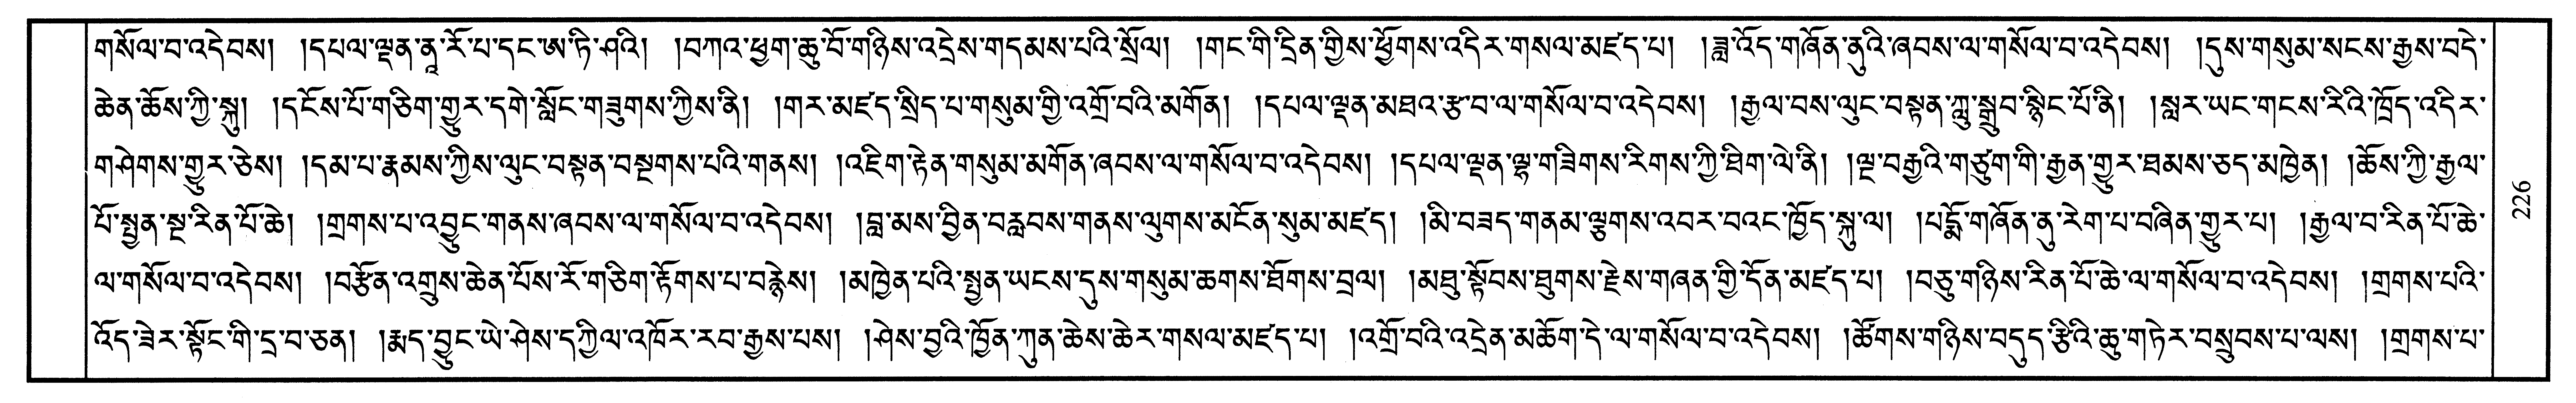གསོལ་བ་འདེབས། །དཔལ་ལྡན་ནཱ་རོ་པ་དང་ཨ་ཏི་ཤའི། །བཀའ་ཕྱག་ཆུ་བོ་གཉིས་འདྲེས་གདམས་པའི་སྲོལ། །གང་གི་དྲིན་གྱིས་ཕྱོགས་འདིར་གསལ་མཛད་པ། །ཟླ་འོད་གཞོན་ནུའི་ཞབས་ལ་གསོལ་བ་འདེབས། །དུས་གསུམ་སངས་རྒྱས་བདེ་
ཆེན་ཆོས་ཀྱི་སྐུ། །དངོས་པོ་གཅིག་གྱུར་དགེ་སློང་གཟུགས་ཀྱིས་ནི། །གར་མཛད་སྲིད་པ་གསུམ་གྱི་འགྲོ་བའི་མགོན། །དཔལ་ལྡན་མཐའ་རྩ་བ་ལ་གསོལ་བ་འདེབས། །རྒྱལ་བས་ལུང་བསྟན་ཀླུ་སྒྲུབ་སྙིང་པོ་ནི། །སླར་ཡང་གངས་རིའི་ཁྲོད་འདིར་
གཤེགས་གྱུར་ཅེས། །དམ་པ་རྣམས་ཀྱིས་ལུང་བསྟན་བསྔགས་པའི་གནས། །འཇིག་རྟེན་གསུམ་མགོན་ཞབས་ལ་གསོལ་བ་འདེབས། །དཔལ་ལྡན་ལྷ་གཟིགས་རིགས་ཀྱི་ཐིག་ལེ་ནི། །ལྔ་བརྒྱའི་གཙུག་གི་རྒྱན་གྱུར་ཐམས་ཅད་མཁྱེན། །ཆོས་ཀྱི་རྒྱལ་
པོ་སྤྱན་སྔ་རིན་པོ་ཆེ། །གྲགས་པ་འབྱུང་གནས་ཞབས་ལ་གསོལ་བ་འདེབས། །བླ་མས་བྱིན་བརླབས་གནས་ལུགས་མངོན་སུམ་མཛད། །མི་བཟད་གནམ་ལྕགས་འབར་བའང་ཁྱོད་སྐུ་ལ། །པདམོ་གཞོན་ནུ་རེག་པ་བཞིན་གྱུར་པ། །རྒྱལ་བ་རིན་པོ་ཆེ་
ལ་གསོལ་བ་འདེབས། །བརྩོན་འགྲུས་ཆེན་པོས་རོ་གཅིག་རྟོགས་པ་བརྙེས། །མཁྱེན་པའི་སྤྱན་ཡངས་དུས་གསུམ་ཆགས་ཐོགས་བྲལ། །མཐུ་སྟོབས་ཐུགས་རྗེས་གཞན་གྱི་དོན་མཛད་པ། །བཅུ་གཉིས་རིན་པོ་ཆེ་ལ་གསོལ་བ་འདེབས། །གྲགས་པའི་
འོད་ཟེར་སྟོང་གི་དྲ་བ་ཅན། །རྨད་བྱུང་ཡེ་ཤེས་དཀྱིལ་འཁོར་རབ་རྒྱས་པས། །ཤེས་བྱའི་ཁྱོན་ཀུན་ཆེས་ཆེར་གསལ་མཛད་པ། །འགྲོ་བའི་འདྲེན་མཆོག་དེ་ལ་གསོལ་བ་འདེབས། །ཚོགས་གཉིས་བདུད་རྩིའི་ཆུ་གཏེར་བསྲུབས་པ་ལས། །གྲགས་པ་